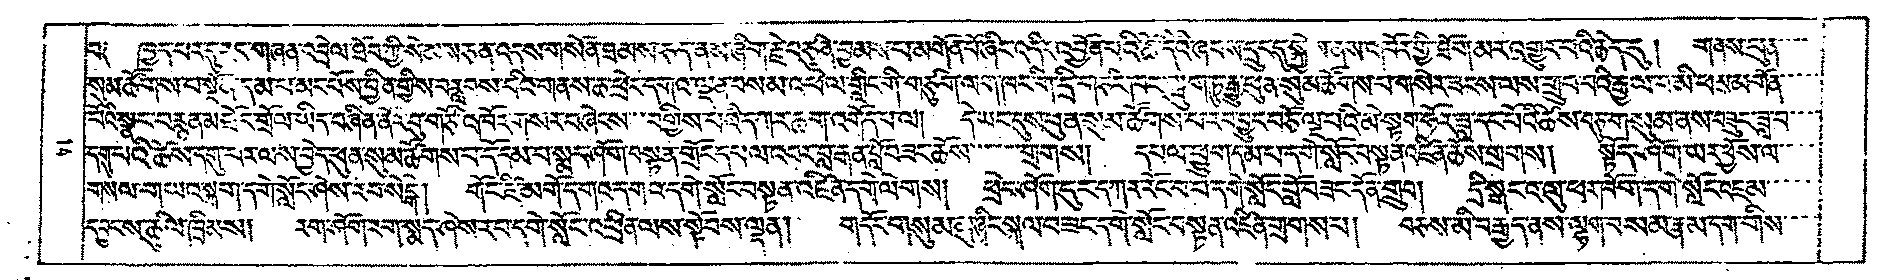བ། ཁྱད་པར་དུ་རང་གཞན་འབྲེལ་ཐོབ་ཀྱི་སེམས་ཅན་འདས་གསོན་ཐམས་ཅད་ནམ་ཞིག་རྗེ་བཙུན་བྱམས་པ་མགོན་པོ་ཞིང་འདིར་འབྱོན་པའི་ཚེ་དེའི་ཞབས་དྲུང་དུ་སྐྱེས་ནས་འཁོར་གྱི་ཐོག་མར་འགྱུར་བའི་ཆེད་དུ། གནས་ཕུན་
སུམ་ཚོགས་པ་སྔོན་དམ་པ་མང་པོས་བྱིན་གྱིས་བརླབས་པའི་གནས་ཆ་ཕྲེང་དགའ་ལྡན་བསམ་འཕེལ་གླིང་གི་གཙུག་ལག་ཁང་གི་དྲི་གཙང་ཁང་སྦུག་ཏུ་རྒྱུ་ཕུན་སུམ་ཚོགས་པ་གསེར་ཟངས་ལས་གྲུབ་པའི་རྒྱལ་བ་མི་ཕམ་མགོན་
པོའི་སྣང་བརྙན་མཐོང་གྲོལ་ཡིད་བཞིན་ནོར་བུ་གཙོ་འཁོར་གསར་བཞེངས་བགྱིས་པའི་དཀར་ཆག་འགོད་པ་ལ། དེ་ཡང་དུས་ཕུན་སུམ་ཚོགས་པ་རབ་བྱུང་བཅོ་ལྔ་པའི་མེ་སྟག་ཧོར་ཟླ་དང་པོའི་ཚེས་བཅུ་གསུམ་ནས་བཟུང་ཟླ་བ་
དགུ་པའི་ཚེས་དགུ་བར་ལས་བྱེད་ཕུན་སུམ་ཚོགས་པ་དོ་དམ་པ་སྨད་ཤོག་བསྟན་གྲོང་དཔལ་འབར་བླ་རྒན་བློ་བཟང་ཆོས་གྲགས། དཔལ་ཕྱུག་དམ་པ་དགེ་སློང་བསྟན་འཛིན་ཆོས་གྲགས། སྟོད་ཤོག་ཡར་ཕྱོས་ལ་
གསལ་གཡའ་སྐག་དགེ་སློང་ཤེས་རབ་སེངྒེ། གོང་ཛི་མགོ་དགའ་དགའ་དགེ་སློང་བསྟན་འཛིན་དགེ་ལེགས། ཕྲེང་ཤོག་དུང་དཀར་རོང་བ་པ་དགེ་སློང་བློ་བཟང་དོན་གྲུབ། དྲི་སྒང་འ་ལུ་ཕར་ཁོག་དགེ་སློང་འཇམ་
དབྱངས་ཚུལ་ཁྲིམས། རག་ཤོག་རག་སྨད་ཤེས་རབ་དགེ་སློང་འཕྲིན་ལས་སྟོབས་ལྡན། གདོང་གསུམ་མུ་ཞིང་སྐལ་བཟང་དགེ་སློང་བསྟན་འཛིན་གྲགས་པ། བཅས་མི་བརྒྱད་ནས་ལྷག་བསམ་རྣམ་དག་གིས་